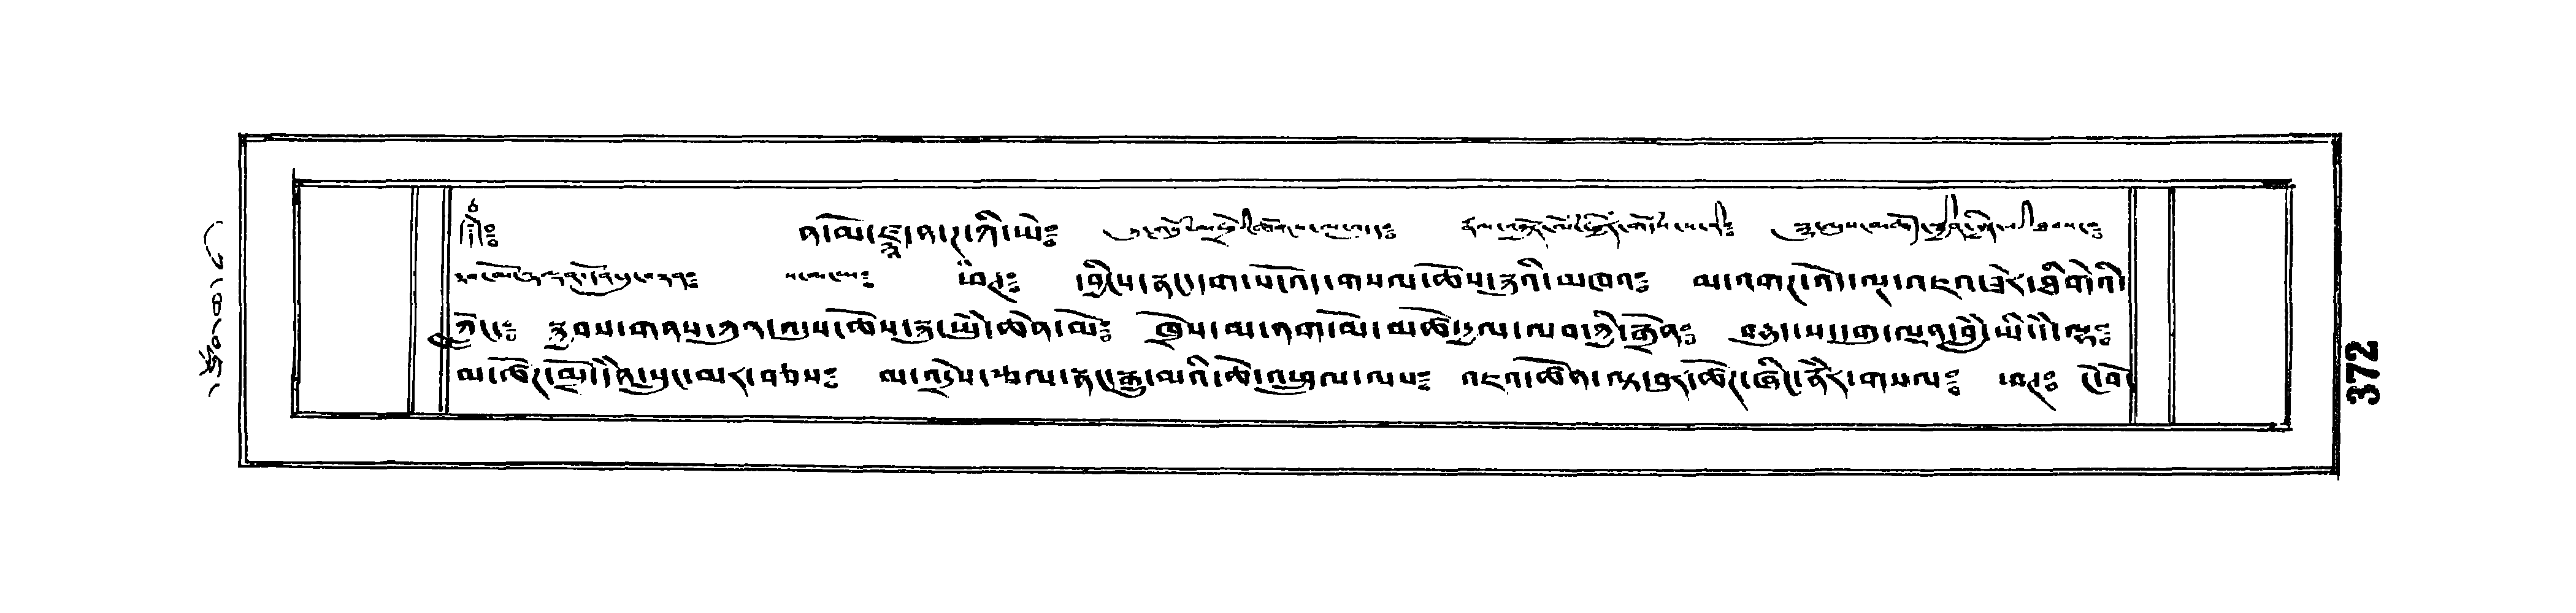ན་མོ་ཛྙཱ་ན་ཌཱ་ཀི་ཡེ༔ སྐུ་གསུམ་མཁའ་འགྲོའི་ཚོགས་ལ་འདུད༔ རྣལ་འབྱོར་ལམ་ཁྱེར་གདམས་པ་ནི༔ སྒྱུ་ལུས་མཆོད་སྦྱིན་བྱེད་པའི་ཐབས༔ 
ཟབ་མོ་སྐལ་ལྡན་དོན་དུ་བསྟན༔ ས་མ་ཡ༔ ཕཊ༔ དབྱིངས་སྣང་དག་པ་འོད་གསལ་ཆོས་སྐུའི་མཁའ༔ མ་འགགས་འོད་ལྔ་འཇའ་ཟེར་ཐིག་ལེའི་
ཀློང༔ སྐྱབས་གནས་ཀུན་འདུས་ཆོས་སྐུ་ཡུམ་ཆེན་མོ༔ ཁྲོས་མ་ནག་མོ་མཚོ་རྒྱལ་ལབ་ཀྱི་སྒྲོན༔ བརྒྱུད་པ་དགུ་ལྡན་བླ་མ་ཡི་དམ་ལྷ༔ 
མ་ཚོགས་མཁའ་འགྲོ་དམ་ཅན་སྲུང་མར་བཅས༔ མ་འདྲེས་རྩལ་སྣང་སྒྱུ་མའི་ཆོ་འཕྲུལ་ལས༔ འཇའ་ཚོན་ལྟ་བུར་ཚོགས་ཞིང་རྣམ་པར་གསལ༔ ཕཊཿ ངོ་བོ་